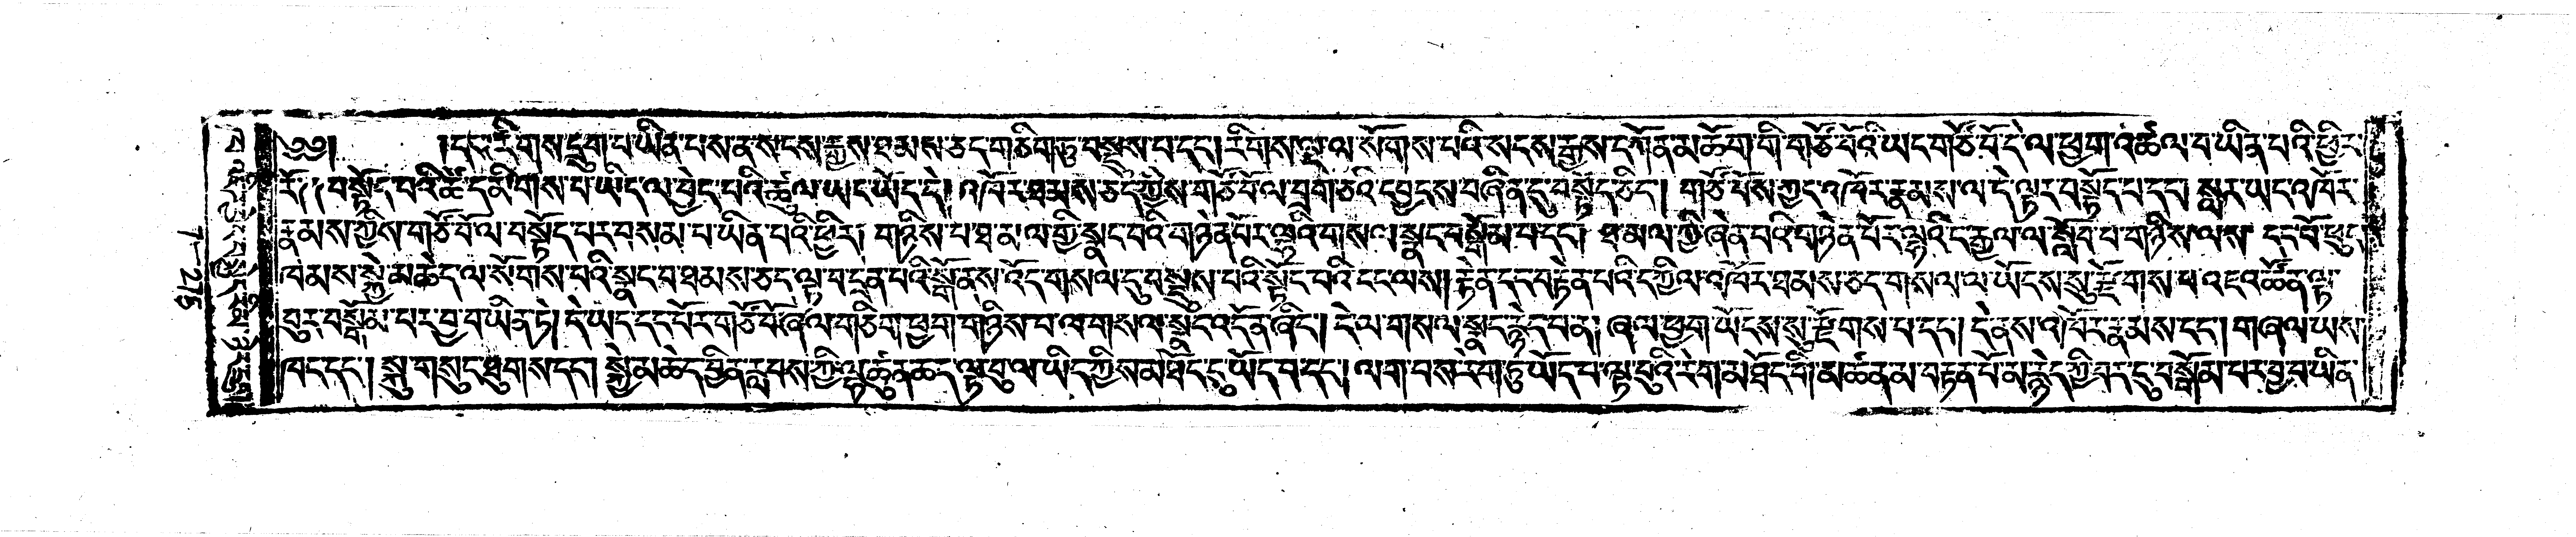༄༅། །དང༑ རིགས་དྲུག་པ་ཡིན་པ་ན་སངས་རྒྱས་ཐམས་ཅད་གཅིག་ཏུ་བསྡུས་པ་དང་། རིགས་ལྔ་ལ་སོགས་པའི་སངས་རྒྱས་དཀོན་མཆོག་གི་གཙོ་བོའི་ཡང་གཙོ་བོ་དེ་ལ་ཕྱག་འཚལ་བ་ཡིན་པའི་ཕྱིར་
རོ༑ ༑བསྟོད་པའི་ཚེ་དམིགས་པ་ཡིད་ལ་བྱེད་པའི་ཚུལ་ཡང་ཡོད་དེ། འཁོར་ཐམས་ཅད་ཀྱིས་གཙོ་བོ་ལ་བྲག་ཅའི་དབྱངས་བཞིན་དུ་བསྟོད་ཅིང་། གཙོ་བོས་ཀྱང་འཁོར་རྣམས་ལ་དེ་ལྟར་བསྟོད་པ་དང་། སླར་ཡང་འཁོར་
རྣམས་ཀྱིས་གཙོ་བོ་ལ་བསྟོད་པར་བསམ་པ་ཡིན་པའི་ཕྱིར། གཉིས་པ་ཐ་མལ་གྱི་སྣང་བའི་གཉེན་པོར་ལྷའི་གསལ་སྣང་བསྒོམ་པ་དང་། ཐ་མལ་གྱི་ཞེན་པའི་གཉེན་པོར་ལྷའི་ང་རྒྱལ་ལ་སློབ་པ་གཉིས་ལས་དང་པོ་ཕུང་
ཁམས་སྐྱེ་མཆེད་ལ་སོགས་པའི་སྣང་བ་ཐམས་ཅད་ལྟ་བ་དྲན་པའི་སྒོ་ནས་འོད་གསལ་དུ་བསྡུས་པའི་སྟོང་པའི་ངང་ལས། རྟེན་དང་བརྟེན་པའི་དཀྱིལ་འཁོར་ཐམས་ཅད་གསལ་ལ་ཡོངས་སུ་རྫོགས་པ་འཇའ་ཚོན་ལྟ་
བུར་བསྒོམ་པར་བྱ་བ་ཡིན་ཏེ། དེ་ཡང་དང་པོར་གཙོ་བོ་ཞལ་གཅིག་ཕྱག་གཉིས་པ་ལ་གསལ་སྣང་འདོད་ཞིང་། དེ་ལ་གསལ་སྣང་རྙེད་པ་ནི། ཞལ་ཕྱག་ཡོངས་སུ་རྫོགས་པ་དང་། དེ་ནས་འཁོར་རྣམས་དང་། གཞལ་ཡས་
ཁང་དང་། སྐུ་གསུང་ཐུགས་དང་། སྐྱེ་མཆེད་བྱིན་རླབས་ཀྱི་ལྷ་ཚུན་ཆད་ལྟ་བུ་ལ་ཡིད་ཀྱིས་མཐོང་དུ་ཡོད་པ་དང་། ལག་པས་རེག་ཏུ་ཡོད་པ་ལྟ་བུའི་རེག་མཐོང་གི་མཚན་མ་བརྟན་པོ་མ་རྙེད་ཀྱི་བར་དུ་བསྒོམ་པར་བྱ་བ་ཡིན་